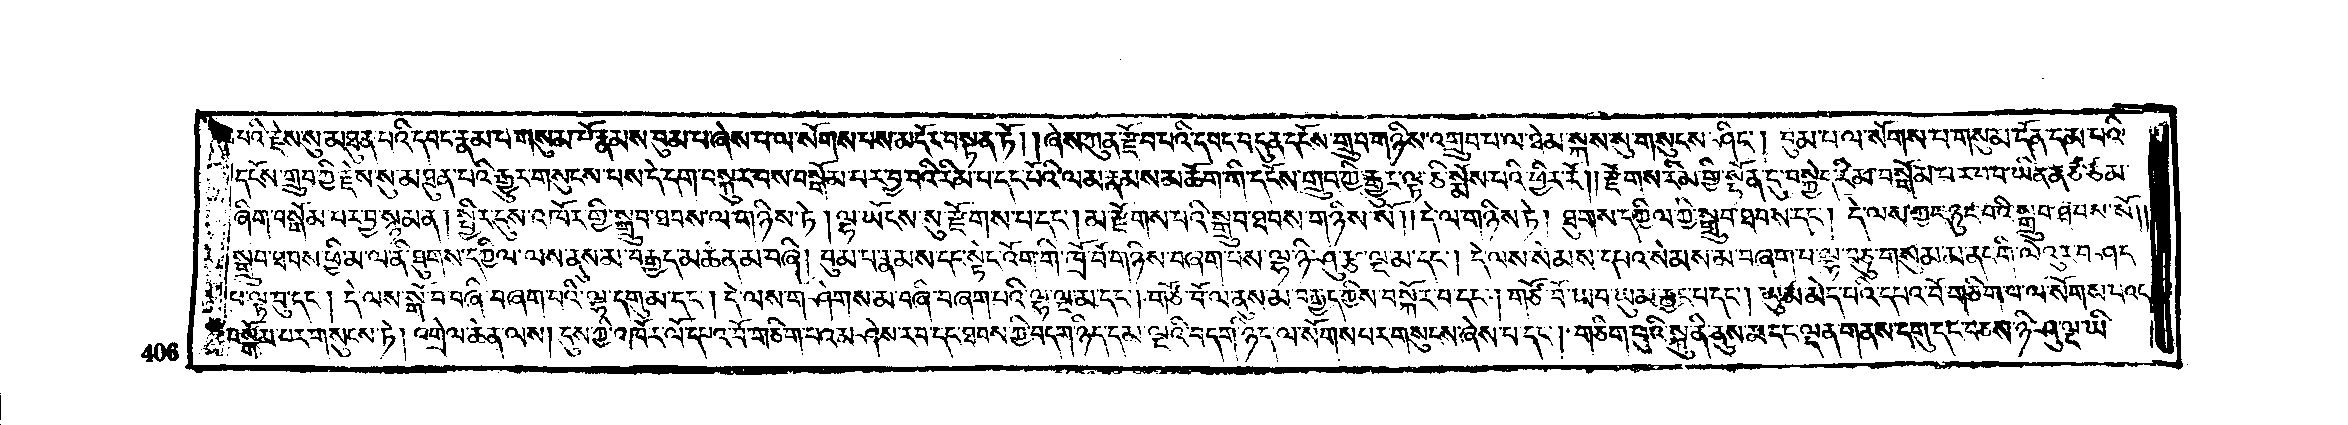པའི་རྗེས་སུ་མཐུན་པའི་དབང་རྣམ་པ་གསུམ་པོ་རྣམས་བུམ་པ་ཞེས་པ་ལ་སོགས་པས་མདོར་བསྟན་ཏོ། །ཞེས་ཀུན་རྫོབ་པའི་དབང་བདུན་དངོས་གྲུབ་གཉིས་འགྲུབ་པ་ལ་ཐེམ་སྐས་སུ་གསུངས་ཤིང་། བུམ་པ་ལ་སོགས་པ་གསུམ་དོན་དམ་པའི་
དངོས་གྲུབ་ཀྱི་རྗེས་སུ་མཐུན་པའི་རྒྱུར་གསུངས་པས་དེ་དག་བསྐུར་བས་བསྒོམ་པར་བྱ་བའི་རིམ་པ་དང་པོའི་ལམ་རྣམས་མཆོག་གི་དངོས་གྲུབ་ཀྱི་རྒྱུར་ལྟ་ཅི་སྨོས་པའི་ཕྱིར་རོ། །རྫོགས་རིམ་གྱི་སྟོན་དུ་བསྐྱེད་རིམ་བསྒོམ་པར་བབ་ཡིན་ན་ཙ་ཙམ་
ཞིག་བསྒོམ་པར་བྱ་སྙམ་ན། སྤྱིར་དུས་འཁོར་གྱི་སྒྲུབ་ཐབས་ལ་གཉིས་ཏེ། ལྷ་ཡོངས་སུ་རྫོགས་པ་དང་། མ་རྫོགས་པའི་སྒྲུབ་ཐབས་གཉིས་སོ། །དེ་ལ་གཉིས་ཏེ། ཐུགས་དཀྱིལ་ཀྱི་སྒྲུབ་ཐབས་དང་། དེ་ལས་ཀྱང་ཉུང་བའི་སྒྲུབ་ཐབས་སོ། །
སྒྲུབ་ཐབས་ཕྱི་མ་ལ་ནི་ཐུགས་དཀྱིལ་ལས་ནུས་མ་བརྒྱད་མཚན་མ་བཞི། བུམ་པ་རྣམས་དང་སྟེང་འོག་གི་ཁྲོ་བོ་གཉིས་བཞག་པས་ལྷ་ཉི་ཤུ་རྩ་ལྔ་མ་དང་། དེ་ལས་སེམས་དཔའ་སེམས་མ་བཞག་པ་ལྷ་བཅུ་གསུམ་མ་ནང་གི་ལེའུར་བཤད་
པ་ལྟ་བུ་དང་། དེ་ལས་སྒོ་བ་བཞི་བཞག་པའི་ལྷ་དགུ་མ་དང་། དེ་ལས་གཤེགས་མ་བཞི་བཞག་པའི་ལྷ་ལྔ་མ་དང་། གཙོ་བོ་ལ་ནུས་མ་བརྒྱད་ཀྱིས་བསྐོར་བ་དང་། གཙོ་བོ་ཡབ་ཡུམ་རྐྱང་པ་དང་། ཡུམ་མེད་པའི་དཔའ་བོ་གཅིག་པ་ལ་སོགས་པའང་
བསྒོམ་པར་གསུངས་ཏེ། འགྲེལ་ཆེན་ལས། དུས་ཀྱི་འཁོར་ལོ་དཔའ་བོ་གཅིག་པའམ་ཤེས་རབ་དང་ཐབས་ཀྱི་བདག་ཉིད་དམ་ལྔའི་བདག་ཉིད་ལ་སོགས་པར་གསུངས་ཞེས་པ་དང་། གཅིག་པུའི་སྐུ་ནི་ནུས་མ་དང་ལྡན་གནས་དགུ་དང་བཅས་ཉི་ཤུ་ལྔ་ཡི་